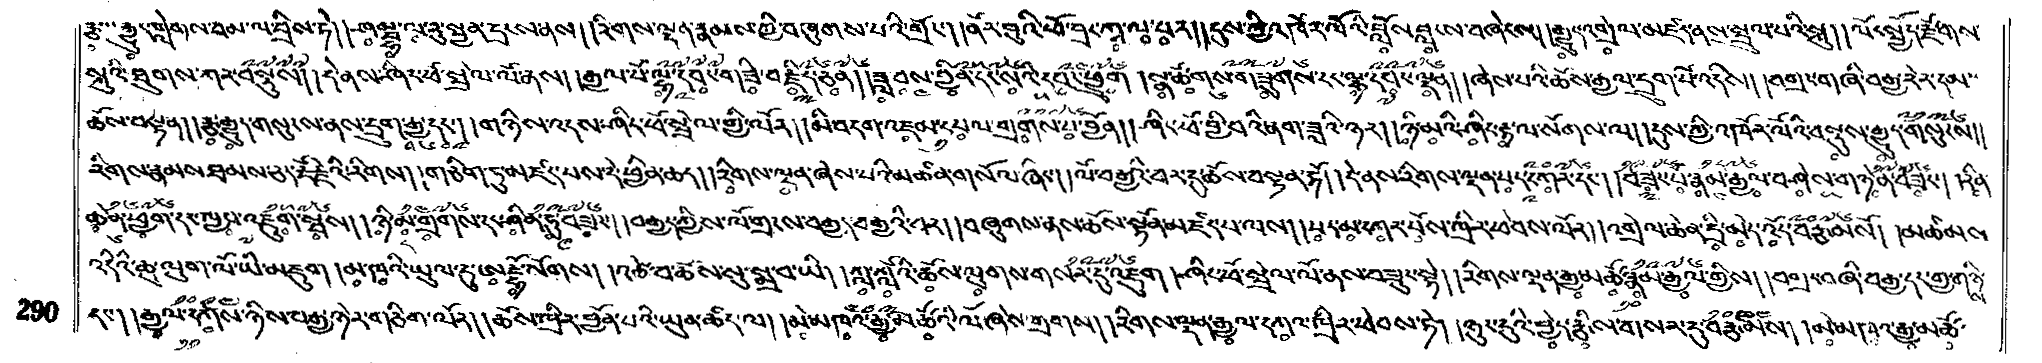རྩ་རྒྱུད་གླེགས་པམ་ལ་བྲིས་ཏེ། །ཤམྦྷ་ལ་རུ་སྤྱན་དྲངས་ནས། །རིགས་ལྡན་རྣམས་ཀྱི་བཞུགས་པའི་གྲོང་། །ནོར་བུའི་ཕོ་བྲང་ཀཱ་ལ་པར། །དུས་ཀྱི་འཁོར་ལོའི་བློས་བླངས་བཞེངས། །རྒྱུད་འགྲེལ་མཛད་ནས་སྤྲུལ་པའི་སྐུ། །ལོང་སྤྱོད་རྫོགས་
སྐུའི་ཐུགས་ཀར་བསྡུས། །དེ་ནས་ཤིང་ཕོ་སྤྲེལ་ལོ་ནས། །རྒྱལ་བོ་ལྷ་དབང་གཟི་བརྗིད་ཅན། །ཟླ་བས་བྱིན་དང་སའི་དབང་ཕྱུག །སྣ་ཚོགས་གཟུགས་དང་ལྷ་དབང་ལྡན། །ཞེས་པའི་ཆོས་རྒྱལ་དྲུག་པོ་འདིས། །བགྲང་གཞི་བརྒྱ་རེར་དམ་
ཆོས་བསྟན། །རྩ་རྒྱུད་གསུངས་ནས་དྲུག་རྒྱ་དང་། །གཉིས་འདས་ཤིང་ཕོ་སྤྲེལ་གྱི་ལོར། །མི་བདག་འཇམ་དཔལ་གྲགས་པ་བྱོན། །ཤིང་ཕོ་བྱི་བའི་ནག་ཟླའི་ཉར། །ཉི་མའི་ཤིང་རྟ་ལ་སོགས་ལ། །དུས་ཀྱི་འཁོར་ལོའི་བསྡུས་རྒྱུད་གསུངས།།
རིགས་རྣམས་ཐམས་ཅད་རྡོ་རྗེའི་རིགས། །གཅིག་ཏུ་མཛད་པས་དེ་ཕྱིན་ཆད། །རིགས་ལྡན་ཞེས་པའི་མཚན་གསོལ་ཞིང་། །ལོ་བརྒྱའི་བར་དུ་ཆོས་བསྟན་ཏོ། །དེ་ནས་རིགས་ལྡན་པད་དཀར་དང་། །བཟང་པ་རྣམ་རྒྱལ་བཤེས་གཉེན་བཟང་། །རིན་
ཆེན་ཕྱག་དང་ཁྱབ་འཇུག་སྦས། །ཉི་མ་གྲགས་དང་ཤིན་ཏུ་བཟང་། །བརྒྱད་ཀྱིས་ལོ་གྲངས་བརྒྱད་བརྒྱའི་བར། །བཞུགས་ནས་ཆོས་སྟོན་མཛད་པ་ལས། །པད་མ་དཀར་པོས་ཁྲིར་ཕེབས་ལོར། །འགྲེལ་ཆེན་དྲི་མེད་འོད་བརྩམས་སོ། །མཚམས་
འདིའི་ཆུ་ལུག་ལོ་ཡི་མཇུག །མ་ཁའི་ཡུལ་དུ་ཨརྡྷོ་སོགས། །འཚེ་བ་ཆོས་སུ་སྨྲ་བ་ཡི། །ཀླ་ཀློའི་ཆོས་ལུགས་གསར་དུ་འཇུག །ཤིང་ཕོ་སྤྲེལ་ལོ་ནས་བཟུང་སྟེ། །རིགས་ལྡན་རྒྱ་མཚོ་རྣམ་རྒྱལ་གྱིས། །བགྲང་བཞི་བརྒྱ་དང་གྱ་གཉིས་
དང་། །རྒྱལ་དཀས་ཉིས་བརྒྱ་ཉེར་གཅིག་ལོར། །ཆོས་ཁྲིར་བྱོན་པའི་ཡུན་ཚད་ལ། །མེ་མཁའ་རྒྱ་མཚོའི་ལོ་ཞེས་གྲགས། །རིགས་ལྡན་རྒྱལ་དཀའ་ཁྲིར་ཕེབས་ཏེ། །ཉུང་དུའི་བྱེད་རྩིས་གསར་དུ་བརྩམས། །མེ་མཁའ་རྒྱ་མཚོ་